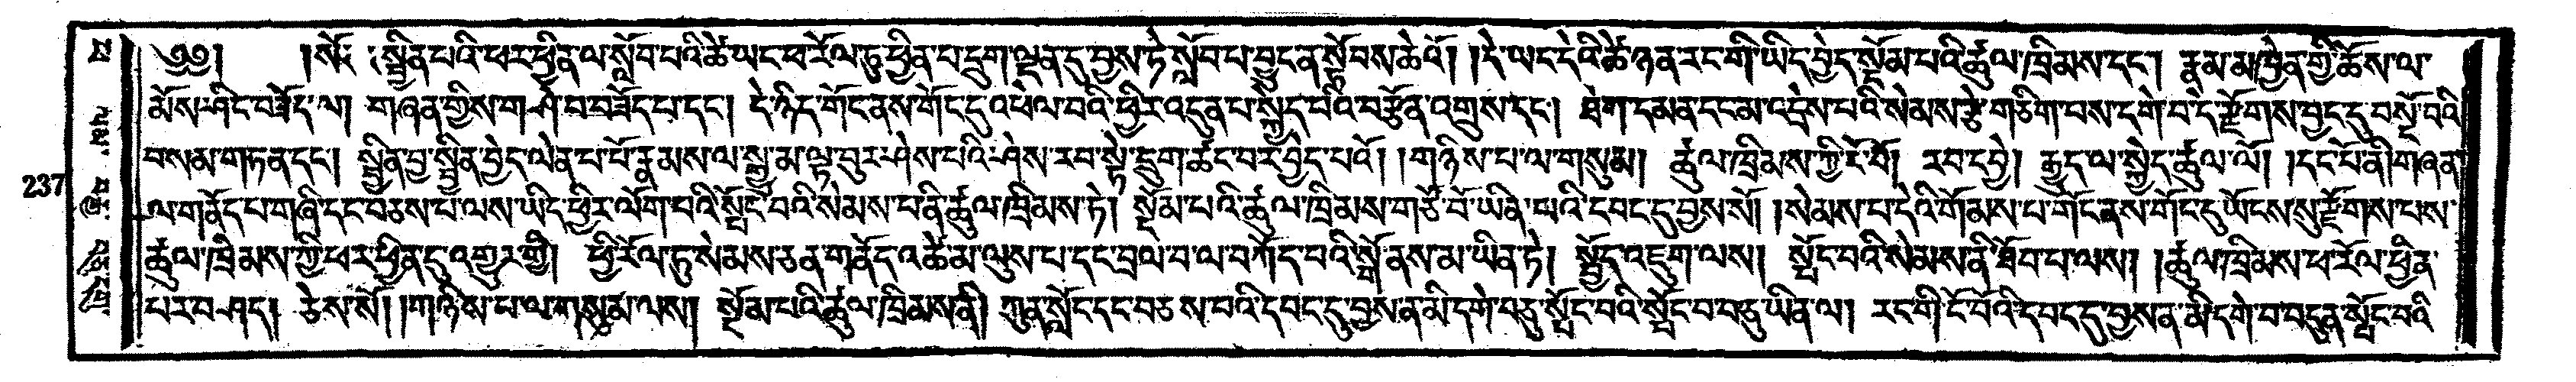༄༅། །སོ༑ ༑སྦྱིན་པའི་ཕར་ཕྱིན་ལ་སློབ་པའི་ཚེ་ཡང་ཕ་རོལ་ཏུ་ཕྱིན་པ་དྲུག་ལྡན་དུ་བྱས་ཏེ་སློབ་པ་བྱུང་ན་སྟོབས་ཆེའོ། །དེ་ཡང་དེའི་ཚེ་ཉན་རང་གི་ཡིད་བྱེད་སྡོམ་པའི་ཚུལ་ཁྲིམས་དང་། རྣམ་མཁྱེན་གྱི་ཆོས་ལ་
མོས་ཤིང་བཟོད་ལ། གཞན་གྱིས་གཤེ་བ་བཟོད་པ་དང་། དེ་ཉིད་གོང་ནས་གོང་དུ་འཕེལ་བའི་ཕྱིར་འདུན་པ་སྐྱེད་བའི་བརྩོན་འགྲུས་དང་། ཐེག་དམན་དང་མ་འདྲེས་པའི་སེམས་རྩེ་གཅིག་པས་དགེ་བ་དེ་རྫོགས་བྱང་དུ་བསྔོ་བའི་
བསམ་གཏན་དང་། སྦྱིན་བྱ་སྦྱིན་བྱེད་ལེན་པ་པོ་རྣམས་ལ་སྒྱུ་མ་ལྟ་བུར་ཤེས་པའི་ཤེས་རབ་སྟེ་དྲུག་ཚང་བར་བྱེད་པའོ། །གཉིས་པ་ལ་གསུམ། ཚུལ་ཁྲིམས་ཀྱི་ངོ་བོ། རབ་དབྱེ། རྒྱུད་ལ་སྐྱེད་ཚུལ་ལོ། །དང་པོ་ནི། གཞན་
ལ་གནོད་པ་གཞི་དང་བཅས་པ་ལས་ཡིད་ཕྱིར་ལོག་པའི་སྤོང་བའི་སེམས་པ་ནི་ཚུལ་ཁྲིམས་ཏེ། སྡོམ་པའི་ཚུལ་ཁྲིམས་གཙོ་བོ་ཡིན་པའི་དབང་དུ་བྱས་སོ། །སེམས་པ་དེའི་གོམས་པ་གོང་ནས་གོང་དུ་ཡོངས་སུ་རྫོགས་པས་
ཚུལ་ཁྲིམས་ཀྱི་ཕར་ཕྱིན་དུ་འགྱུར་གྱི། ཕྱི་རོལ་ཏུ་སེམས་ཅན་གནོད་འཚེ་མ་ལུས་པ་དང་བྲལ་བ་ལ་བཀོད་པའི་སྒོ་ནས་མ་ཡིན་ཏེ། སྦྱོད་འཇུག་ལས། སྤོང་བའི་སེམས་ནི་ཐོབ་པ་ལས། །ཚུལ་ཁྲིམས་ཕ་རོལ་ཕྱིན་
པར་བཤད། ཅེས་སོ། །གཉིས་པ་ལ་གསུམ་ལས། སྡོམ་པའི་ཚུལ་ཁྲིམས་ནི། ཀུན་སློང་དང་བཅས་བའི་དབང་དུ་བྱས་ན་མི་དགེ་བཅུ་སྤོང་བའི་སྤོང་བ་བཅུ་ཡིན་ལ། རང་གི་ངོ་བོའི་དབང་དུ་བྱས་ན་མི་དགེ་བ་བདུན་སྤོང་བའི་